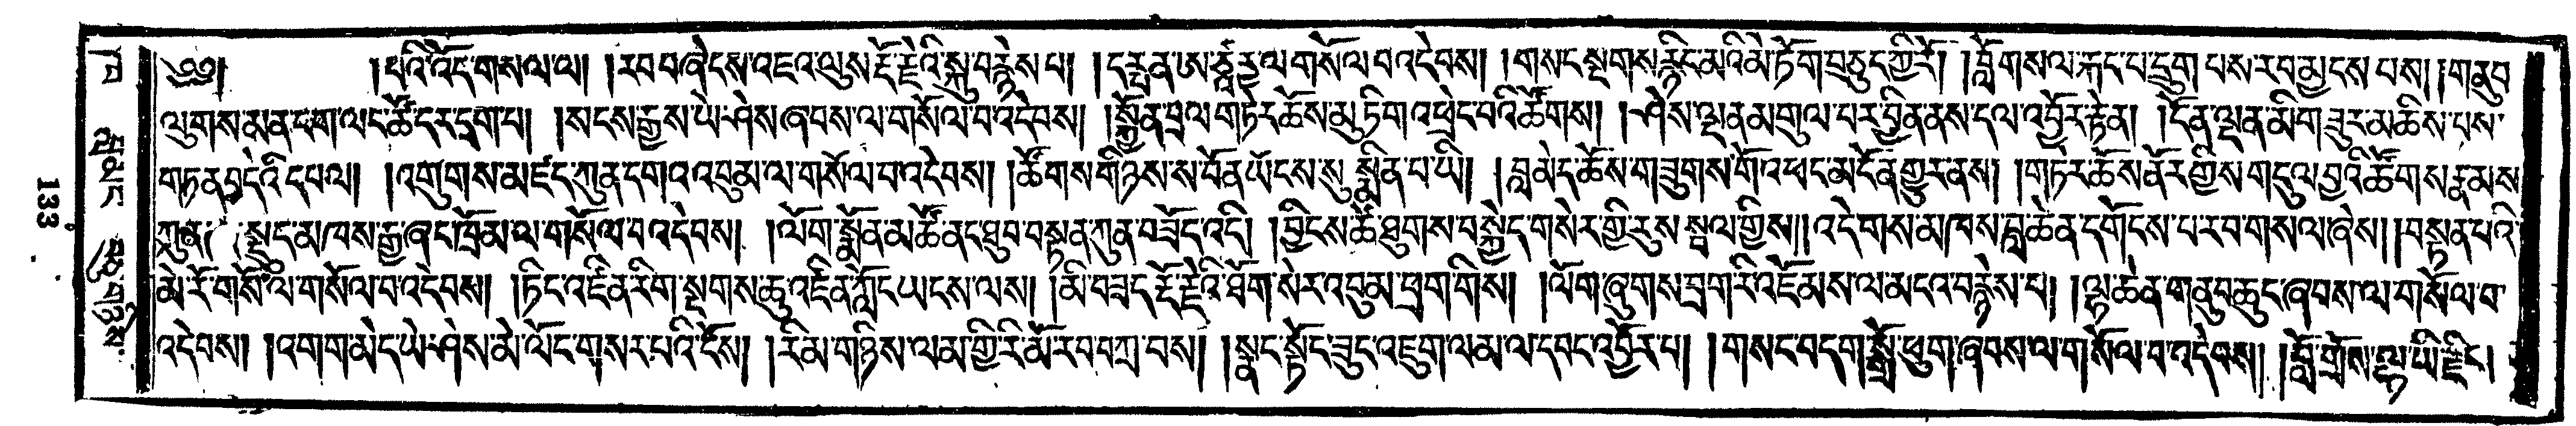༄༅། །པའི་འོད་གསལ་ལ། །རབ་བཞེངས་འཇའ་ལུས་རྡོ་རྗེའི་སྐུ་བརྙེས་པ། །དརྤན་ཨ་ཙཱརྱ་ལ་གསོལ་བ་འདེབས། །གསང་སྔགས་རྙིང་མའི་མེ་ཏོག་བཅུད་ཀྱི་རོ། །བློ་གསལ་རྐང་པ་དྲུག་པས་རབ་མྱངས་པས། །གནུབ་
ལུགས་མན་ངག་ལང་ཚོ་དར་དྲག་པ། །སངས་རྒྱས་ཡེ་ཤེས་ཞབས་ལ་གསོལ་བ་འདེབས། །སྐྱོན་བྲལ་གཏེར་ཆོས་མུ་ཏིག་འཕྲེང་བའི་ཚོགས། །ཤེས་ལྡན་མགུལ་པར་བྱིན་ནས་དལ་འབྱོར་རྟེན། །དོན་ལྡན་མིག་ཟུར་མཆིས་པས་
གཏན་བདེའི་དཔལ། །འགུགས་མཛད་ཀུན་དགའ་འབུམ་ལ་གསོལ་བ་འདེབས། །ཚོགས་གཉིས་ས་བོན་ཡོངས་སུ་སྨིན་པ་ཡི། །བླ་མེད་ཆོས་གཟུགས་གོ་འཕང་མངོན་གྱུར་ནས། །གཏེར་ཆོས་ནོར་གྱིས་གདུལ་བྱའི་ཚོགས་རྣམས་
ཀུན༑ ༑སྡུད་མཁས་རྒྱ་ཞང་ཁྲོམ་ལ་གསོལ་བ་འདེབས། །ལོག་སྨོན་མཚོ་ནང་ཐུབ་བསྟན་ཀུན་བཟོད་འདི། །བྱིངས་ཚེ་ཐུགས་བསྐྱེད་གསེར་གྱི་རུས་སྤལ་གྱིས། །འདེགས་མཁས་བླ་ཆེན་དགོངས་པ་རབ་གསལ་ཞེས། །བསྟན་པའི་
མེ་རོ་གསོ་ལ་གསོལ་བ་འདེབས། །ཏིང་འཛིན་རིག་སྔགས་ཆུ་འཛིན་ཀློང་ཡངས་ལས། །མི་བཟད་རྡོ་རྗེའི་ཐོག་སེར་འབུམ་ཕྲག་གིས། །ལོག་ཞུགས་བྲག་རི་འཇོམས་ལ་མངའ་བརྙེས་པ། །ལྷ་ཆེན་གནུབ་ཆུང་ཞབས་ལ་གསོལ་བ་
འདེབས། །འགག་མེད་ཡེ་ཤེས་མེ་ལོང་གསར་པའི་ངོས། །རིམ་གཉིས་ལམ་གྱི་རི་མོ་རབ་བཀྲ་བས། །སྣང་སྟོང་ཟུང་འཇུག་ལམ་ལ་དབང་འབྱོར་པ། །གསང་བདག་སྒྲོ་ཕུག་ཞབས་ལ་གསོལ་བ་འདེབས། །བློ་གྲོས་ལྷ་ཡི་རྫིང་།